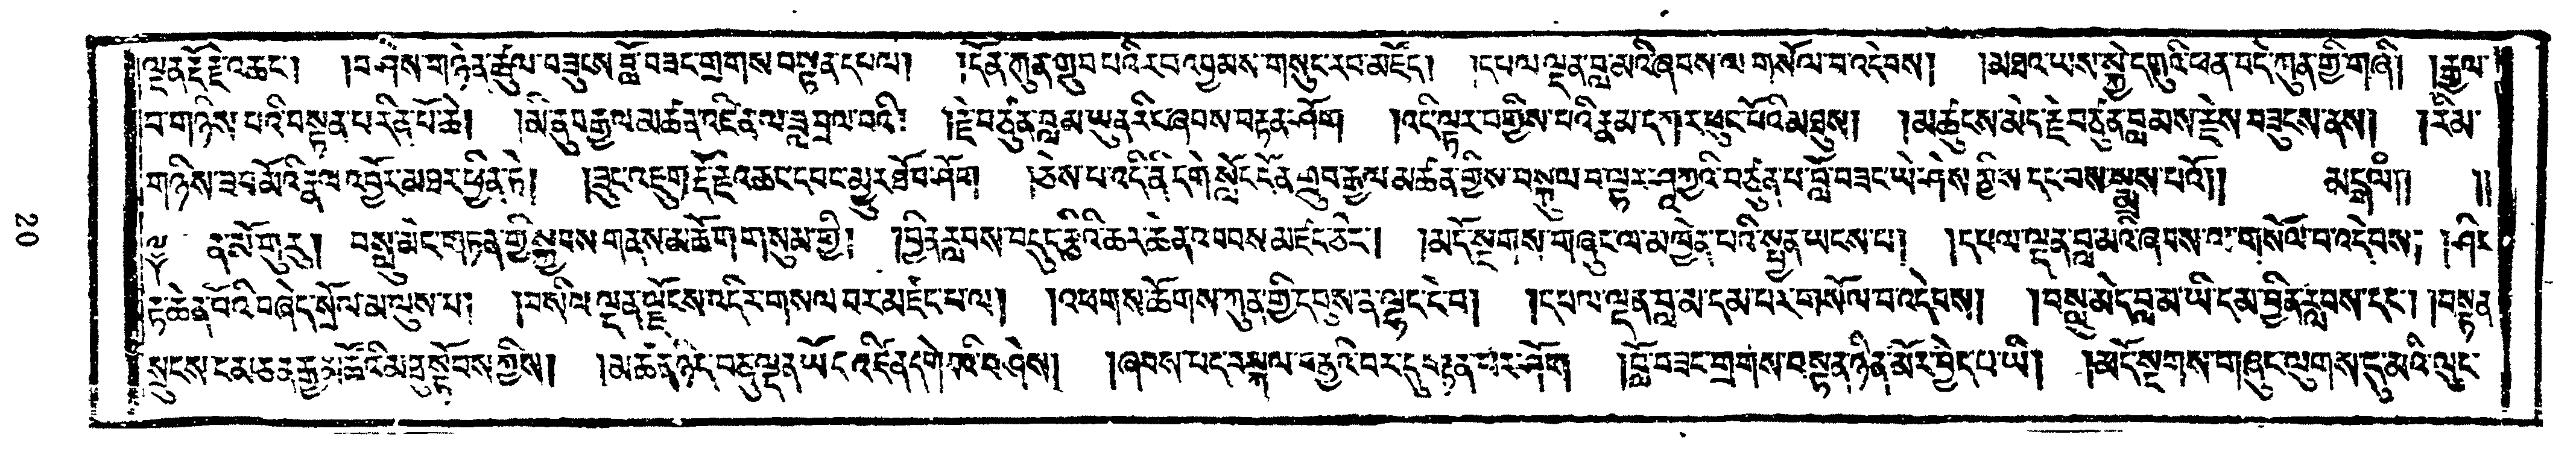ལྡན་རྡོ་རྗེ་འཆང་། །བཤེས་གཉེན་ཚུལ་བཟུངས་བློ་བཟང་གྲགས་བསྟན་དཔལ། །དོན་ཀུན་གྲུབ་པའི་རབ་འབྱམས་གསུང་རབ་མཛོད། །དཔལ་ལྡན་བླ་མའི་ཞབས་ལ་གསོལ་བ་འདེབས། །མཐའ་ཡས་སྐྱེ་དགུའི་ཕན་བདེ་ཀུན་གྱི་གཞི། །རྒྱལ་
བ་གཉིས་པའི་བསྟན་པ་རིན་པོ་ཆེ། །མི་ནུབ་རྒྱལ་མཚན་འཛིན་ལ་ཟླ་བྲལ་བའི། །རྗེ་བཙུན་བླ་མ་ཡུན་རིང་ཞབས་བརྟན་ཤོག །འདི་ལྟར་བགྱིས་པའི་རྣམ་དཀར་ཕུང་པོའི་མཐུས། །མཚུངས་མེད་རྗེ་བཙུན་བླ་མ་རྗེས་བཟུངས་ནས། །རིམ་
གཉིས་ཟབ་མོའི་རྣལ་འབྱོར་མཐར་ཕྱིན་ཏེ། །ཟུང་འཇུག་རྡོ་རྗེ་འཆང་དབང་མྱུར་ཐོབ་ཤོག །ཅེས་པ་འདི་ནི་དགེ་སློང་དོན་གྲུབ་རྒྱལ་མཚན་གྱིས་བསྐུལ་བ་ལྟར་ཤཱཀྱའི་བཙུན་པ་བློ་བཟང་ཡེ་ཤེས་ཀྱིས་དང་བས་སྨྲས་པའོ།། མངྒལཾ།། །།
༈ ན་མོ་གུ་རུ། བསླུ་མེད་གཏན་གྱི་སྐྱབས་གནས་མཆོག་གསུམ་གྱི། །བྱིན་རླབས་བདུད་རྩིའི་ཆར་ཆེན་འབབས་མཛད་ཅིང་། །མདོ་སྔགས་གཞུང་ལ་མཁྱེན་པའི་སྤྱན་ཡངས་པ། །དཔལ་ལྡན་བླ་མའི་ཞབས་ལ་གསོལ་བ་འདེབས། །ཤིང་
རྟ་ཆེན་པོའི་བཞེད་སྲོལ་མ་ལུས་པ། །བསིལ་ལྡན་ལྗོངས་འདིར་གསལ་བར་མཛད་པ་ལ། །འཕགས་ཆོགས་ཀུན་གྱི་དབུས་ན་ལྷང་ངེ་བ། །དཔལ་ལྡན་བླ་མ་དམ་པར་གསོལ་བ་འདེབས། །བསླུ་མེད་བླ་མ་ཡི་དམ་བྱིན་རླབས་དང་། །བསྟན་
སྲུངས་དམ་ཅན་རྒྱ་མཚོའི་མཐུ་སྟོགས་ཀྱིས། །མཚན་ཉིད་བཅུ་ལྡན་ཡོད་འཛིན་དགེ་བའི་བཤེས། །ཞབས་པད་བསྐལ་བརྒྱའི་བར་དུ་བརྟན་པར་ཤོག །བློ་བཟང་གྲགས་བསྟན་ཉིད་མོར་བྱེད་པ་ཡི། །མདོ་སྔགས་གཞུང་ལུགས་དུ་མའི་ལུང་